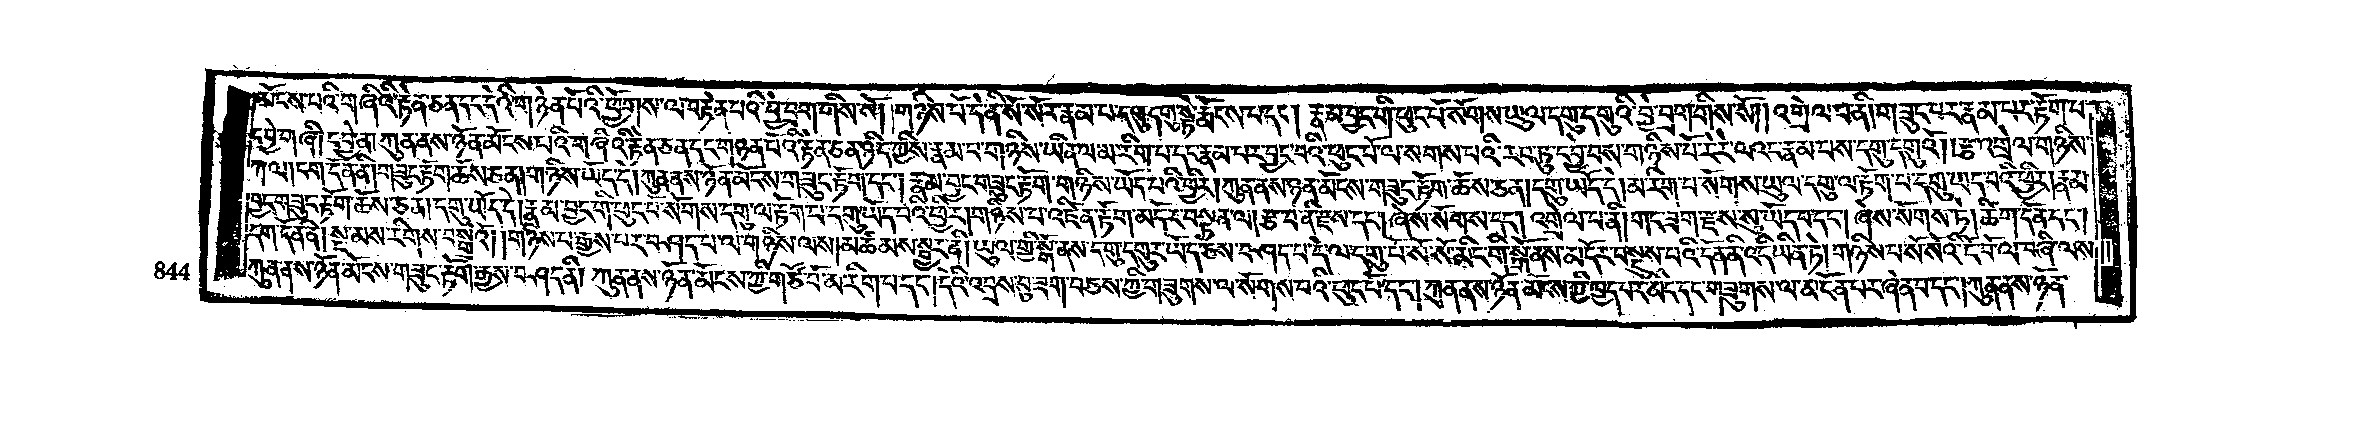མོངས་པའི་གཞིའི་རྟེན་ཅན་དང་དེའི་གཉེན་པོའི་ཕྱོགས་ལ་བརྟེན་པའི་བྱེ་བྲག་གིས་སོ། །གཉིས་པོ་དེ་ནི་སོ་སོར་རྣམ་པ་དགུ་དགུ་སྟེ་རྨོངས་པ་དང་། རྣམ་བྱང་གི་ཕུང་པོ་སོགས་ཡུལ་དགུ་དགུའི་བྱེ་བྲག་གིས་སོ། །འགྲེལ་པ་ནི། གཟུང་པར་རྣམ་པར་རྟོག་པ་
དབྱེ་གཞི། དབྱེ་ན། ཀུན་ནས་ཉོན་མོངས་པའི་གཞིའི་རྟེན་ཅན་དང་གཉན་པོའི་རྟེན་ཅན་ཉིད་ཀྱིས་རྣམ་པ་གཉིས་ཡིན་ལ་མ་རིག་པ་དང་རྣམ་པར་བྱང་བའི་ཕུང་པོ་ལ་སོགས་པའི་རབ་ཏུ་དབྱེ་བས་གཉིས་པོ་རེ་རེ་ལའང་རྣམ་པས་དགུ་དགུའོ། །རྩ་འགྲེལ་གཉིས་
ཀ་ལ། ངག་དོན་ནི། གཟུང་རྟོག་ཆོས་ཅན། གཉིས་ཡོད་དེ། ཀུན་ནས་ཉོན་མོངས་གཟུང་རྟོག་དང་། རྣམ་བྱང་གཟུང་རྟོག་གཉིས་ཡོད་པའི་ཕྱིར། ཀུན་ནས་ཉོན་མོངས་གཟུང་རྟོག་ཆོས་ཅན། དགུ་ཡོད་དེ། མ་རིག་པ་སོགས་ཡུལ་དགུ་ལ་རྟོག་པ་དགུ་ཡོད་པའི་ཕྱིར། རྣམ་
བྱད་གཟུང་རྟོག་ཆོས་ཅན། དགུ་ཡོད་དེ། རྣམ་བྱང་གི་ཕུང་པོ་སོགས་དགུ་ལ་རྟོག་པ་དགུ་ཡོད་པའི་ཕྱིར། གཉིས་པ་འཛིན་རྟོག་མདོར་བསྟན་ལ། རྩ་བ་ནི་རྫས་དང་། ཞེས་སོགས་དང་། འགྲེལ་པ་ནི། གང་ཟག་རྫས་སུ་ཡོད་པ་དང་། ཞེས་སོགས་ཏེ། ཚིག་དོན་དང་།
དག་དོན་ནི། སྔ་མས་རིགས་བསྒྲེའོ། །གཉིས་པ་རྒྱས་པར་བཤད་པ་ལ་གཉིས་ལས། མཚམས་སྦྱར་ནི། ཡུལ་གྱི་སྒོ་ནས་དགུ་དགུར་ཡོད་ཅེས་བཤད་པ་དེ་ལ་དགུ་པོ་སོ་སོ་མིང་གི་སྒོ་ནས་མདོར་བསྡུས་པའི་དོན་ནི་འདི་ཡིན་ཏེ། གཉིས་པ་སོ་སོའི་ངོ་བོ་ལ་བཞི་ལས། །
ཀུན་ནས་ཉོན་མོངས་གཟུང་རྟོག་རྒྱས་བཤད་ནི། ཀུན་ནས་ཉོན་མོངས་ཀྱི་གཙོ་བོ་མ་རིག་པ་དང་། དེའི་འབྲས་བུ་ཟག་བཅས་ཀྱི་གཟུགས་ལ་སོགས་པའི་ཕུང་པོ་དང་། ཀུན་ནས་ཉོན་མོངས་ཀྱི་ཁྱད་པར་མིང་དང་གཟུགས་ལ་མངོན་པར་ཞེན་པ་དང་། ཀུན་ནས་ཉོན་